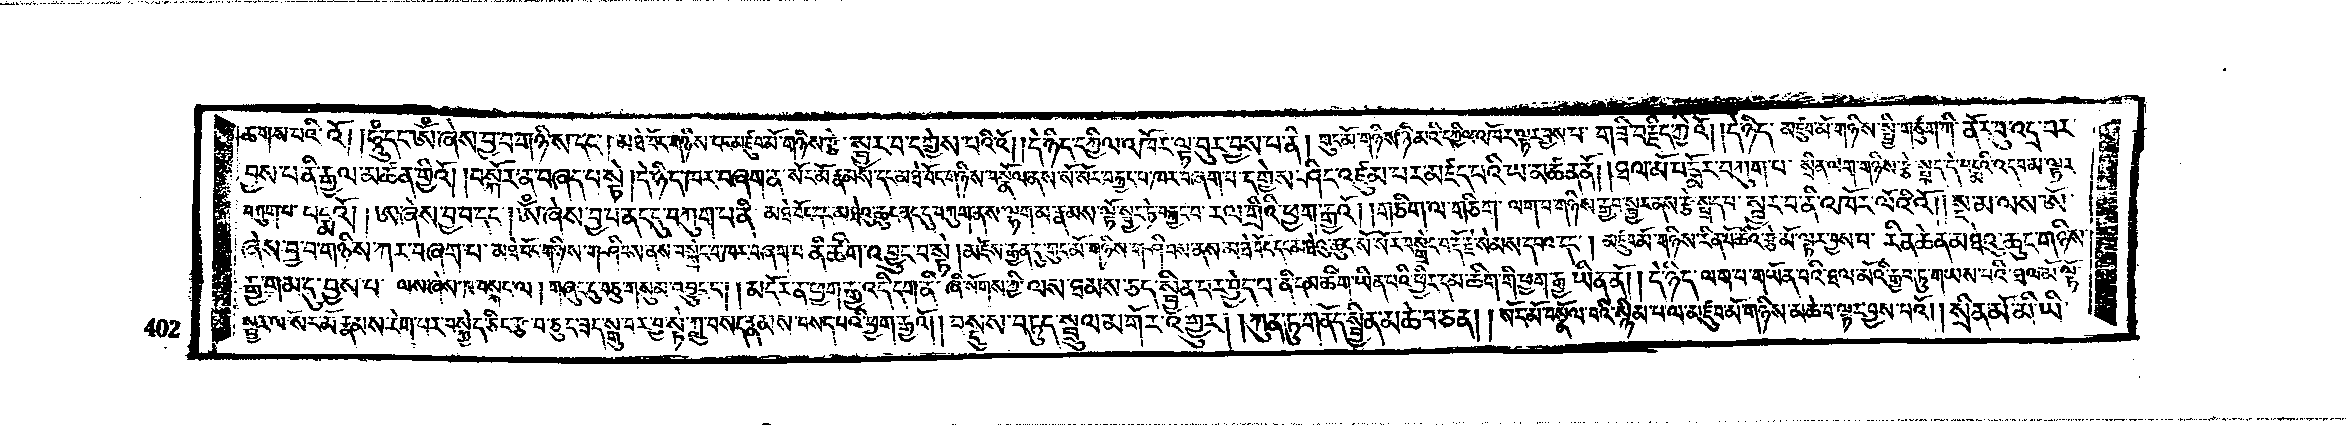ཆགས་པའི་འོ། །ཧཱུཾ་དང་ཨོཾ་ཞེས་བྱ་བ་གཉིས་དང་། མཐེ་བོང་གཉིས་དང་མཛུབ་མོ་གཉིས་རྩེ་སྦྱར་བ་དགྱེས་པའི་འོ།  །དེ་ཉིད་དཀྱིལ་འཁོར་ལྟ་བུར་བྱས་པ་ནི། གུང་མོ་གཉིས་ཉི་མའི་དཀྱིལ་འཁོར་ལྟར་བྱས་པ་གཟི་བརྗིད་ཀྱིའོ། །དེ་ཉིད་མཛུབ་མོ་གཉིས་སྤྱི་གཙུག་གི་ནོར་བུ་འདྲ་བར་
བྱས་པ་ནི་རྒྱལ་མཚན་གྱིའོ། །བསྐོར་ན་བཞད་པ་སྟེ། དེ་ཉིད་ཁར་བཞག་ན་སོར་མོ་རྣམས་དང་མཐེ་བོང་གཉིས་བསྣོལ་ནས་སོ་སོར་བརྐྱང་པ་ཁར་བཞག་པ་དགྱེས་ཤིང་འཛུམ་པར་མཛད་པའི་ཡ་མཚན་ནོ། །ཐལ་མོ་པདམོར་བཀུག་པ་སྲིན་ལག་གཉིས་རྩེ་སྤྲད་དེ་པདམའི་འདབ་མ་ལྟར་
བཀུག་པ་པདམའོ། །ཨ་ཞེས་བྱ་བ་དང་། ཨོཾ་ཞེས་བྱ་བ་ནང་དུ་བཀུག་པ་ནི་མཐེ་བོང་དང་མཐེའུ་ཆུང་ནང་དུ་བཀུག་ནས་ལྷག་མ་རྣམས་ལྟོ་སྦྱར་ཏེ་བརྐྱང་བ་རལ་གྲིའི་ཕྱག་རྒྱའོ། །གཅིག་ལ་གཅིག་ལག་པ་གཉིས་རྒྱབ་སྦྱར་ནས་རྩེ་སྤྲད་པ་སྦྱར་བ་ནི་འཁོར་ལོའི་འོ། །སྔ་མ་ལས་ཨོཾ་
ཞེས་བྱ་བ་གཉིས་ཀར་བཞག་པ་མཐེ་བོང་གཉིས་གཤིབས་ནས་བསྒྲེང་བ་ཁར་བཞག་པ་ནི་ཚིག་འབྱུང་བ་སྟེ། མཛེས་རྒྱན་དུ་གུང་མོ་གཉིས་གཤིབས་ནས་མཐེ་བོང་དང་མཐེའུ་ཆུང་སོ་སོར་བསྒྲེང་བ་རྡོ་རྗེ་སེམས་དཔའ་དང་། མཛུབ་མོ་གཉིས་རིན་པོ་ཆེའི་རྩེ་མོ་ལྟར་བྱས་པ་རིན་ཆེན་མཐེའུ་ཆུང་གཉིས་
རྒྱ་གམ་དུ་བྱས་པ་ལས་ཞེས་ཁ་བསྐང་ལ། གཞུང་དུ་བཅུ་གསུམ་འབྱུང་བ།  མདོར་ན་ཕྱག་རྒྱ་འདི་དག་ནི་ཞེ་སོགས་ཀྱི་ལས་ཐམས་ཅད་སྦྱིན་པར་བྱེད་པ་ནི་དམ་ཚིག་ཡིན་པའི་ཕྱིར་དམ་ཚིག་གི་ཕྱག་རྒྱ་ཡིན་ནོ། །དེ་ཉིད་ལག་པ་གཡོན་པའི་ཐལ་མོའི་རྒྱབ་ཏུ་གཡས་པའི་ཐལ་མོ་ལྟོ་
སྦྱར་ལ་སོར་མོ་རྣམས་རེག་པར་བསྐྱེད་ཅིང་རྩ་བ་ཅུང་ཟད་སྒུ་བར་བྱ་སྟེ་ཀླུ་བསད་རྣམས་བསད་པའི་ཕྱག་རྒྱའོ། །བསྡུས་བཏུད་སྦྲུལ་མགོར་འགྱུར། །ཀུན་ཏུ་གནོད་སྦྱིན་མཆེ་བ་ཅན། །སོར་མོ་བསྣོལ་བའི་སྙིམ་པ་ལ་མཛུབ་མོ་གཉིས་མཆེ་བ་ལྟར་བྱས་པའོ།  །སྲིན་མོ་མི་ཡི་